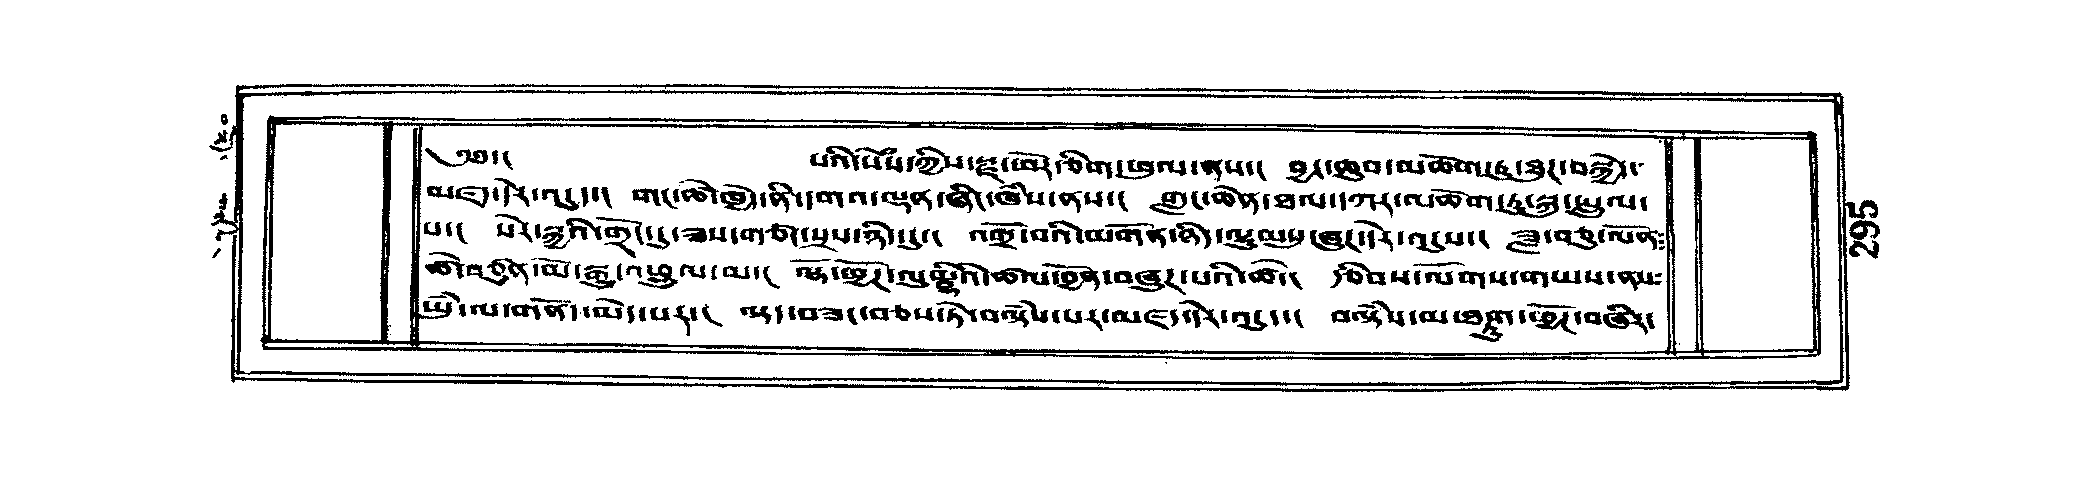པའི་སེམས་ཀྱིས་རྫ་ཕོར་གཅིག་ཕུལ་ནས། །བྱང་ཆུབ་མཆོག་ཏུ་ཐུགས་བསྐྱེད་
མཛད་དེར་འདུད། །གང་ཚེ་ཁྱེད་ནི་དགའ་ལྡན་ཞིང་ཁམས་ནས། །གླང་ཆེན་ཐལ་དཀར་མཆོག་ཏུ་སྐུ་སྤྲུལ་
པ། །སེར་སྐྱའི་གྲོང་དུ་ཟས་གཙང་སྲས་ཉིད་དུ། །འགྲོ་བའི་མགོན་ཉིད་ལྷུམས་སུ་ཞུགས་དེར་འདུད། །ཟླ་བཅུ་ལོན་
ཚེ་བཙུན་མོ་སྒྱུ་འཕྲུལ་མ། །ལྷོ་ཕྱོགས་ལུམྦྷྀའི་ཚལ་བྱོན་བཞུགས་པའི་ཚེ། །རྩིབས་ལོགས་གཡས་ནས་
ཡུམ་ལ་གནོད་མེད་པར། ལྟས་བཟང་བཅས་ཏེ་བལྟམས་པར་མཛད་དེར་འདུད། །བལྟམས་མ་ཐག་ཏུ་ཕྱོགས་བཞིར་